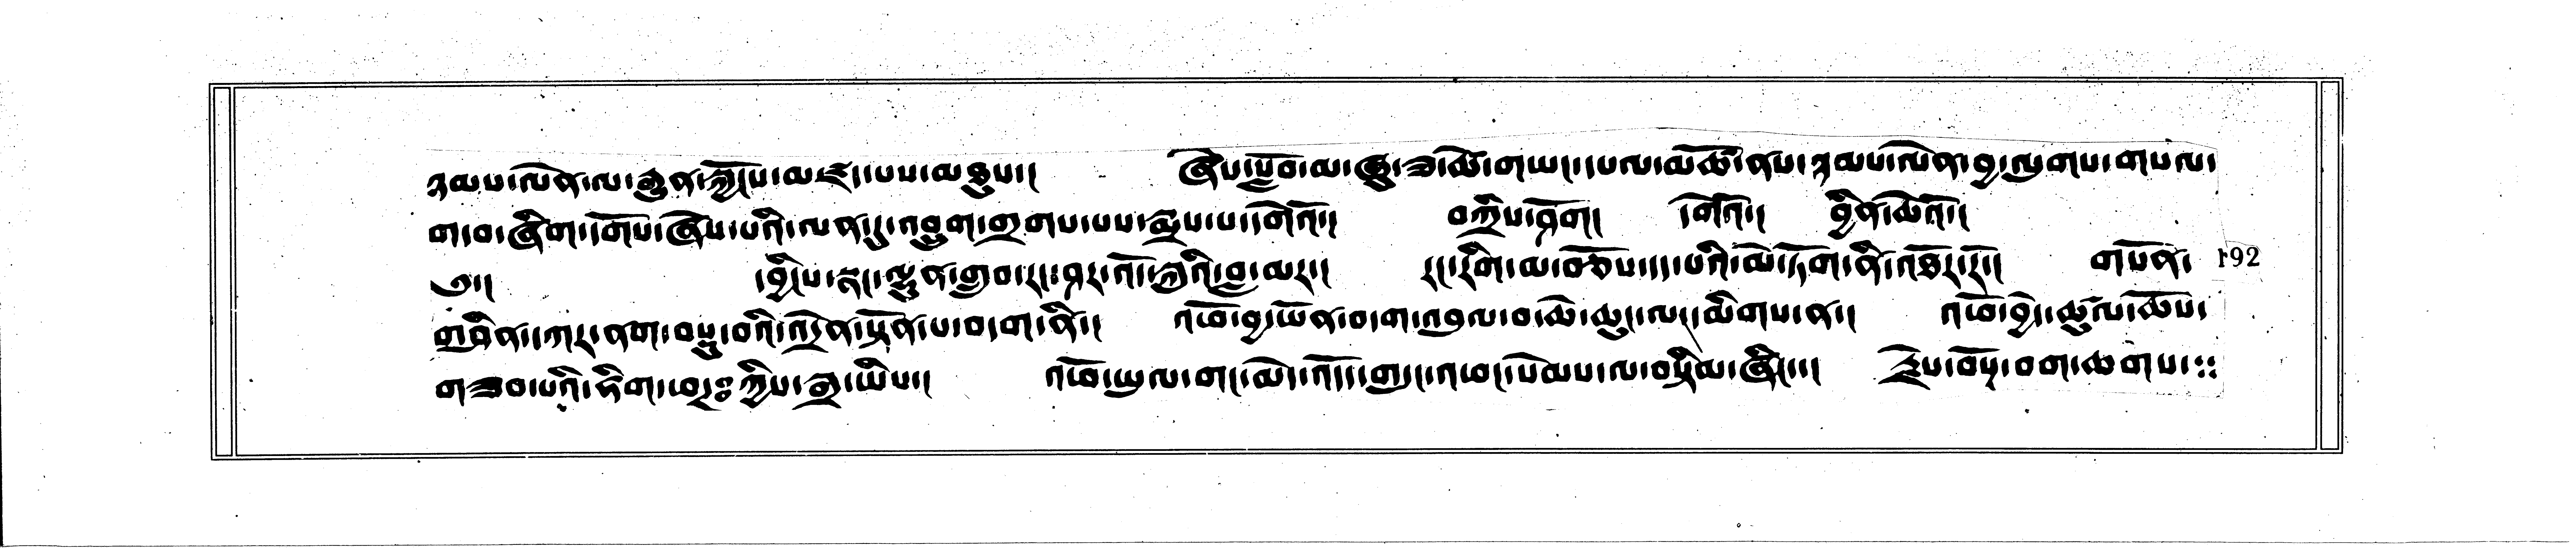ཉམས་ལེན་ལ་རྒྱུན་སྐྱོང་མཛད་པས་མཐུས། ཞེས་སློབ་མ་ཞུ་ཟ་ཚེ་དབང་དཔལ་མཚོ་ནས་ཉམས་ལེན་བྱ་ལུགས་གསལ་
གདབ་ཅིག་དགོས་ཞེས་པའི་ལན་དུ་འབྲུག་གྲགས་པས་སྨྲས་པ་དགེའོ། །བཀྲ་ཤིས་ཤོག དགེའོ། བྱིན་ཆེའོ། །
༄༅།། དབྱིངས་སྣང་ལྷུན་གྲུབ་རང་ཤར་འོད་སྐུའི་བླ་མར། །རང་རིག་མ་བཅོས་དད་པའི་མེ་ཏོག་ནི་འཐོར་རོ། །གསོན་
གཤིན་དཀར་ནག་བསྡུ་བའི་འདྲེན་སྟོན་པ་བདག་ནི། །འཕོ་བྱ་ཡོན་བདག་འབུལ་བ་ཆེ་ཆུང་ལ་དམིགས་ན། །འཕོ་བྱེད་ཚུལ་འཆོས་
གཟབ་པའི་ཧིག་ཕཊཿཀྱི་སྒྲ་ཡིས། །འཕོ་ཡུལ་གང་མེད་འདོད་གདུང་འཕང་སེམས་ལ་བསྟིམ་ཞིང་། །རྗེས་བསྔོ་བག་ཆགས་